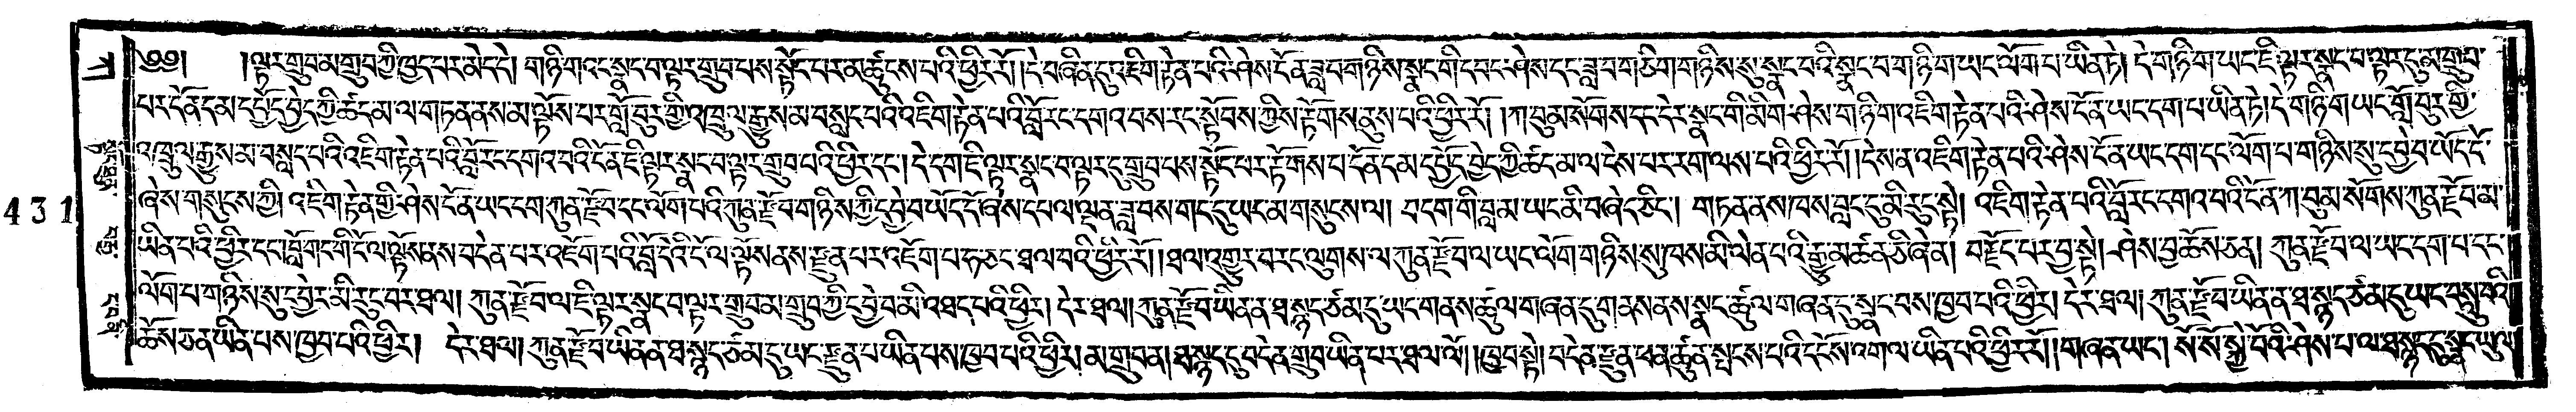༄༅། །ལྟར་གྲུབ་མ་གྲུབ་ཀྱི་ཁྱད་པར་མེད་དེ། གཉི་གའང་སྣང་བ་ལྟར་གྲུབ་པས་སྟོང་པར་མཚུངས་པའི་ཕྱིར་རོ། །དེ་བཞིན་དུ་འཇིག་རྟེན་པའི་ཤེས་དོན་ཟླ་བ་གཉིས་སྣང་གི་དབང་ཤེས་དང་ཟླ་བ་གཅིག་གཉིས་སུ་སྣང་བའི་སྣང་བ་གཉི་ག་ཡང་ལོག་པ་ཡིན་ཏེ། དེ་གཉི་ག་ཡང་ཇི་ལྟར་སྣང་བ་ལྟར་དུ་མ་གྲུབ་
པར་དོན་དམ་དཔྱོད་བྱེད་ཀྱི་ཚད་མ་ལ་གཏན་ནས་མ་ལྟོས་པར་གློ་བུར་གྱི་འཁྲུལ་རྒྱུས་མ་བསླང་པའི་འཇིག་རྟེན་པའི་བློ་རང་དགའ་བས་རང་སྟོབས་ཀྱིས་རྟོགས་ནུས་པའི་ཕྱིར་རོ། །ཀ་བུམ་སོགས་དང་དེར་སྣང་གི་མིག་ཤེས་གཉི་ག་འཇིག་རྟེན་པའི་ཤེས་དོན་ཡང་དག་པ་ཡིན་ཏེ། དེ་གཉི་ག་ཡང་གློ་བུར་གྱི་
འཁྲུལ་རྒྱུས་མ་བསླད་པའི་འཇིག་རྟེན་པའི་བློ་རང་དགའ་བའི་དོན་ཇི་ལྟར་སྣང་བ་ལྟར་གྲུབ་པའི་ཕྱིར་དང་། དེ་དག་ཇི་ལྟར་སྣང་བ་ལྟར་དུ་གྲུབ་པས་སྟོང་པར་རྟོགས་པ་དོན་དམ་དཔྱོད་ཀྱི་ཚད་མ་ལ་ངེས་པར་རག་ལས་པའི་ཕྱིར་རོ། །དེས་ན་འཇིག་རྟེན་པའི་ཤེས་དོན་ཡང་དག་དང་ལོག་པ་གཉིས་སུ་དབྱེ་བ་ཡོད་དོ་
ཞེས་གསུངས་ཀྱི། འཇིག་རྟེན་གྱི་ཤེས་ངོ་ན་ཡང་དག་ཀུན་རྫོབ་དང་ལོག་པའི་ཀུན་རྫོབ་གཉིས་ཀྱི་དབྱེ་བ་ཡོད་དོ་ཞེས་དཔལ་ལྡན་ཟླ་བས་གང་དུ་ཡང་མ་གསུངས་ལ། བདག་གི་བླ་མ་ཡང་མི་བཞེད་ཅིང་། གཏན་ནས་ཁས་བླང་དུ་མི་རུང་སྟེ། འཇིག་རྟེན་པའི་བློ་རང་དགའ་བའི་ངོ་ན་ཀ་བུམ་སོགས་ཀུན་རྫོབ་མ་
ཡིན་པའི་ཕྱིར་དང་། བློ་གང་གི་ངོ་ལ་ལྟོས་ནས་བདེན་བར་འཇོག་པའི་བློ་དེའི་ངོ་ལ་ལྟོས་ནས་རྫུན་པར་འཇོག་པ་ཧ་ཅང་ཐལ་བའི་ཕྱིར་རོ། །ཐལ་འགྱུར་བ་རང་ལུགས་ལ་ཀུན་རྫོབ་ལ་ཡང་ལོག་གཉིས་སུ་ཁས་མི་ལེན་པའི་རྒྱུ་མཚན་ཅི་ཞེ་ན། བརྗོད་པར་བྱ་སྟེ། ཤེས་བྱ་ཆོས་ཅན། ཀུན་རྫོབ་ལ་ཡང་དག་པ་དང་
ལོག་པ་གཉིས་སུ་དབྱེར་མི་རུང་བར་ཐལ། ཀུན་རྫོབ་ལ་ཇི་ལྟར་སྣང་བ་ལྟར་གྲུབ་མ་གྲུབ་ཀྱི་དབྱེ་བ་མི་འཐད་པའི་ཕྱིར། དེར་ཐལ། ཀུན་རྫོབ་ཡིན་ན་ཐ་སྙད་ཙམ་དུ་ཡང་གནས་ཚུལ་གཞན་དུ་གནས་ནས་སྣང་ཚུལ་གཞན་དུ་སྣང་བས་ཁྱབ་པའི་ཕྱིར། དེར་ཐལ། ཀུན་རྫོབ་ཡིན་ན་ཐ་སྙད་ཙམ་དུ་ཡང་བསླུ་བའི་
ཆོས་ཅན་ཡིན་པས་ཁྱབ་པའི་ཕྱིར། དེར་ཐལ། ཀུན་རྫོབ་ཡིན་ན་ཐ་སྙད་ཙམ་དུ་ཡང་རྫུན་པ་ཡིན་པས་ཁྱབ་པའི་ཕྱིར། མ་གྲུབ་ན། ཐ་སྙད་དུ་བདེན་གྲུབ་ཡིན་པར་ཐལ་ལོ། །ཁྱབ་སྟེ། བདེན་རྫུན་ཕན་ཚུན་སྤངས་པའི་དངོས་འགལ་ཡིན་པའི་ཕྱིར་རོ། །གཞན་ཡང་། སོ་སོ་སྐྱེ་བོའི་ཤེས་པ་ལ་ཐ་སྙད་དུ་སྣང་ཡུལ་